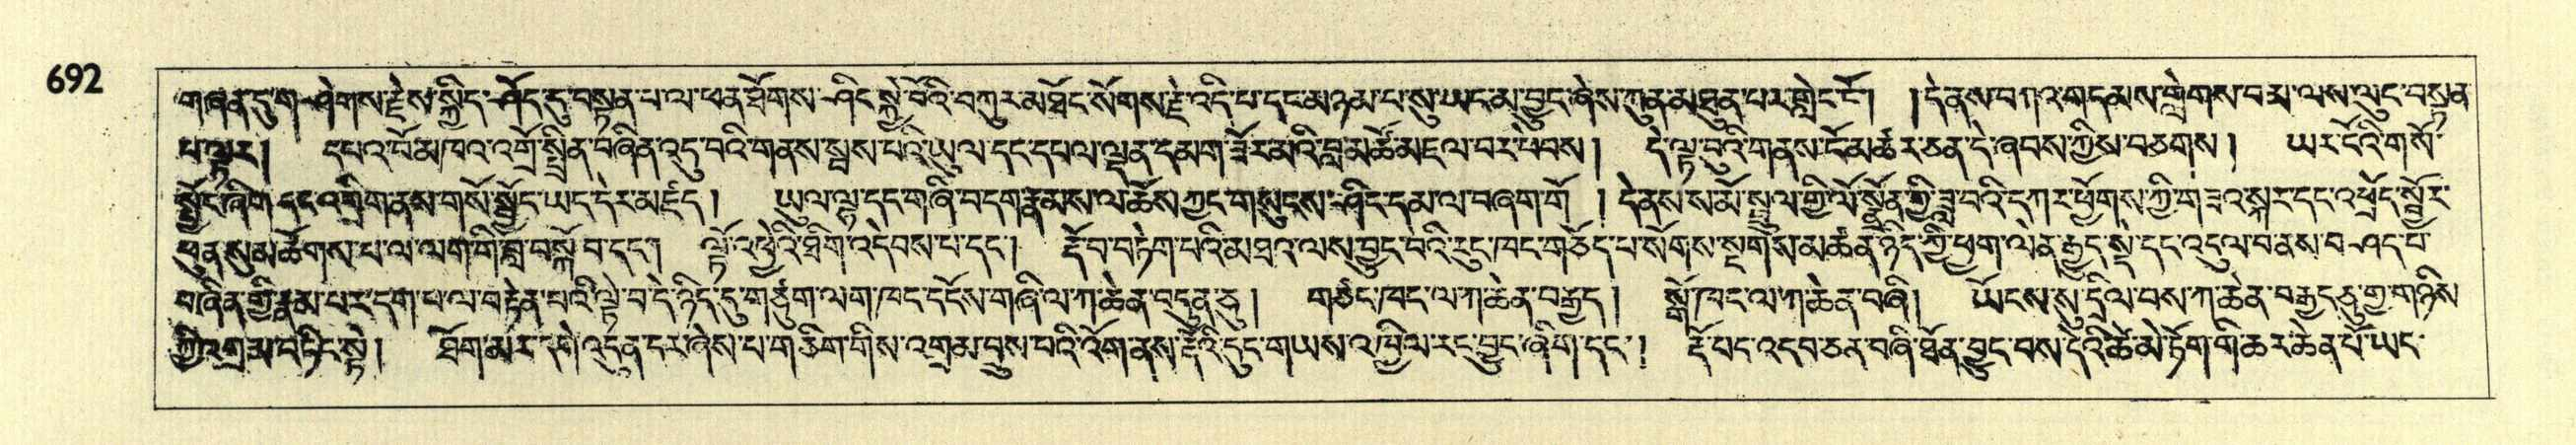གཞན་དུ་གཤེགས་རྗེས་སྐྱིད་ཤོད་དུ་བསྟན་པ་ལ་ཕན་ཐོགས་ཤིང་སྐྱེ་བོའི་བཀུར་མཐོང་སོགས་རྗེ་འདི་པ་དང་མཉམ་པ་སུ་ཡང་མ་བྱུང་ཞེས་ཀུན་མཐུན་པར་གླེང་ངོ། །དེ་ནས་བཀའ་གདམས་གླེགས་བམ་ལས་ལུང་བསྟན་
པ་ལྟར། དཔའ་བོ་མཁའ་འགྲོ་སྤྲིན་བཞིན་འདུ་བའི་གནས་སྦས་པའི་ཡུལ་དང་དཔལ་ལྡན་དམག་ཟོར་མའི་བླ་མཚོ་མཇལ་བར་ཕེབས། དེ་ལྟ་བུའི་གནས་ངོ་མཚར་ཅན་དེ་ཞབས་ཀྱིས་བཅགས། ཡར་ངོའི་གསོ་
སྦྱོང་ཞིག་དང་འགྲིག་ནས་གསོ་སྦྱོང་ཡང་དེར་མཛད། ཡུལ་ལྷ་དང་གཞི་བདག་རྣམས་ལ་ཆོས་ཀྱང་གསུངས་ཤིང་དམ་ལ་བཞག་གོ །དེ་ནས་ས་མོ་སྤྲུལ་གྱི་ལོ་སྣྲོན་གྱི་ཟླ་བའི་དཀར་ཕྱོགས་ཀྱི་གཟའ་སྐར་དང་འཕྲོད་སྦྱོར་
ཕུན་སུམ་ཚོགས་པ་ལ་ལག་གི་བླ་བསྐོ་བ་དང་། ལྟོ་འཕྱེའི་ཐིག་འདེབས་པ་དང་། རྡོ་བ་བཏེག་པའི་མཐའ་ལས་བྱུང་བའི་རུང་ཁང་གཅོད་པ་སོགས་སྔགས་མཚན་ཉིད་ཀྱི་ཕྱག་ལེན་རྒྱུད་སྡེ་དང་འདུལ་བ་ནས་བཤད་པ་
བཞིན་གྱི་རྣམ་པར་དག་པ་ལ་བརྟེན་པའི་ལྟེ་བ་དེ་ཉིད་དུ་གཙུག་ལག་ཁང་དངོས་གཞི་ལ་ཀ་ཆེན་འདུན་ཅུ། གཙང་ཁང་ལ་ཀ་ཆེན་བརྒྱད། སྒོ་ཁང་ལ་ཀ་ཆེན་བཞི། ཡོངས་སུ་དྲིལ་བས་ཀ་ཆེན་བརྒྱད་ཅུ་གྱ་གཉིས་
ཀྱི་འགྲམ་བཏིང་སྟེ། ཐོག་མར་དགེ་འདུན་དར་ཞེས་པ་གཅིག་གིས་འགྲམ་བྲུས་པའི་འོག་ནས་རྡོའི་དུང་གཡས་འཁྱིལ་རང་བྱུང་ཞིག་དང་། རྡོ་པང་འདབ་ཅན་བཞི་ཐོན་བྱུང་བས་དེའི་ཚེ་མེ་ཏོག་གི་ཆར་ཆེན་པོ་ཡང་